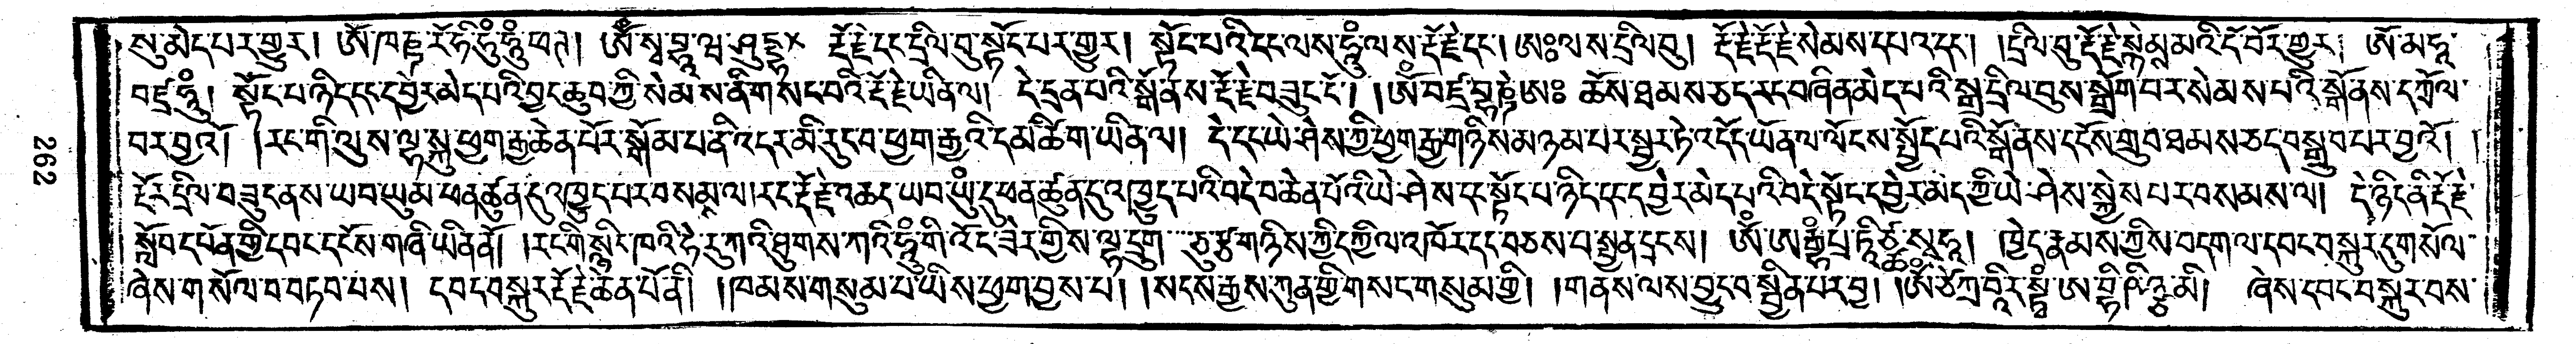སུ་མེད་པར་གྱུར། ཨོ་ཁཎྜ་རོ་ཧི་ཧུཾ་ཧཱུཾ་ཕཊ། ཨོཾ་སྭ་བྷཱ་ཝ་ཤུདྡྷ་྾་རྡོ་རྗེ་དང་དྲིལ་བུ་སྟོང་པར་གྱུར། སྟོང་པའི་ངང་ལས་ཧཱུཾ་ལས་རྡོ་རྗེ་དང་། ཨཿ ལས་དྲིལ་བུ། རྡོ་རྗེ་རྡོ་རྗེ་སེམས་དཔའ་དང་། །དྲིལ་བུ་རྡོ་རྗེ་སྙེམས་མའི་ངོ་བོར་གྱུར། ཨོ་མཧཱ་
བཛྲ་ཧཱུཾ། སྟོང་པ་ཉིད་དང་དབྱེར་མེད་པའི་བྱང་ཆུབ་ཀྱི་སེམས་ནི་གསང་བའི་རྡོ་རྗེ་ཡིན་ལ། དེ་དྲན་པའི་སྒོ་ནས་རྡོ་རྗེ་བཟུང་ངོ། །ཨོཾ་བཛྲ་བྷཎྜེ་ཨཿ ཆོས་ཐམས་ཅད་རང་བཞིན་མེད་པའི་སྒྲ་དྲིལ་བུས་སྒྲོག་པར་སེམས་དཔའི་སྒོ་ནས་དཀྲོལ་
བར་བྱའོ། །རང་གི་ལུས་ལྷ་སྐུ་ཕྱག་རྒྱ་ཆེན་པོར་སྒོམ་པ་ནི་འདར་མི་རུང་བ་ཕྱག་རྒྱའི་དམ་ཚིག་ཡིན་ལ། དེ་དང་ཡེ་ཤེས་ཀྱི་ཕྱག་རྒྱ་གཉིས་མཉམ་པར་སྦྱར་ཏེ་འདོད་ཡོན་ལ་ལོངས་སྤྱོད་པའི་སྒོ་ནས་དངོས་གྲུབ་ཐམས་ཅད་བསྒྲུབ་པར་བྱའོ། །
རྡོར་དྲིལ་བཟུང་ནས་ཡབ་ཡུམ་ཕན་ཚུན་དུ་འཁྱུད་པར་བསམས་ལ། རང་རྡོ་རྗེ་འཆད་ཡབ་ཡུཾ་དུ་ཕན་ཚུན་དུ་འཁྱུད་པའི་བདེ་བ་ཆེན་པོའི་ཡེ་ཤེས་དང་སྟོང་པ་ཉིད་དང་དབྱེར་མེད་པའི་བདེ་སྟོང་དབྱེར་མེད་ཀྱི་ཡེ་ཤེས་སྐྱེས་པར་བསམས་ལ། དེ་ཉིད་ནི་རྡོ་རྗེ་
སློབ་དཔོན་གྱི་དབང་དངོས་གཞི་ཡིན་ནོ། །རང་གི་སྙིང་ཁའི་ཧེ་རུ་ཀའི་ཐུགས་ཀའི་ཧཱུཾ་གི་འོད་ཟེར་གྱིས་ལྷ་དྲུག་ཅུ་རྩ་གཉིས་ཀྱི་དཀྱིལ་འཁོར་དང་བཅས་པ་སྤྱན་དྲངས། ཨོཾ་ཨརྒྷཾ་པྲ་ཏཱིཙྪ་སྭཱ་ཧཱ། ཁྱེད་རྣམས་ཀྱིས་བདག་ལ་དབང་བསྐུར་དུ་གསོལ་
ཞེས་གསོལ་བ་བཏབ་པས། དབང་བསྐུར་རྡོ་རྗེ་ཆེན་པོ་ནི། །ཁམས་གསུམ་པ་ཡིས་ཕྱག་བྱས་པ། །སངས་རྒྱས་ཀུན་གྱི་གསང་གསུམ་གྱི། །གནས་ལས་བྱུང་བ་སྦྱིན་པར་བྱ། །ཨོཾ་ཙེཀྲ་བཱི་ར་སྟྭཾ་ཨ་བྷི་ཥིཉྩ་མི། ཞེས་དབང་བསྐུར་བས་